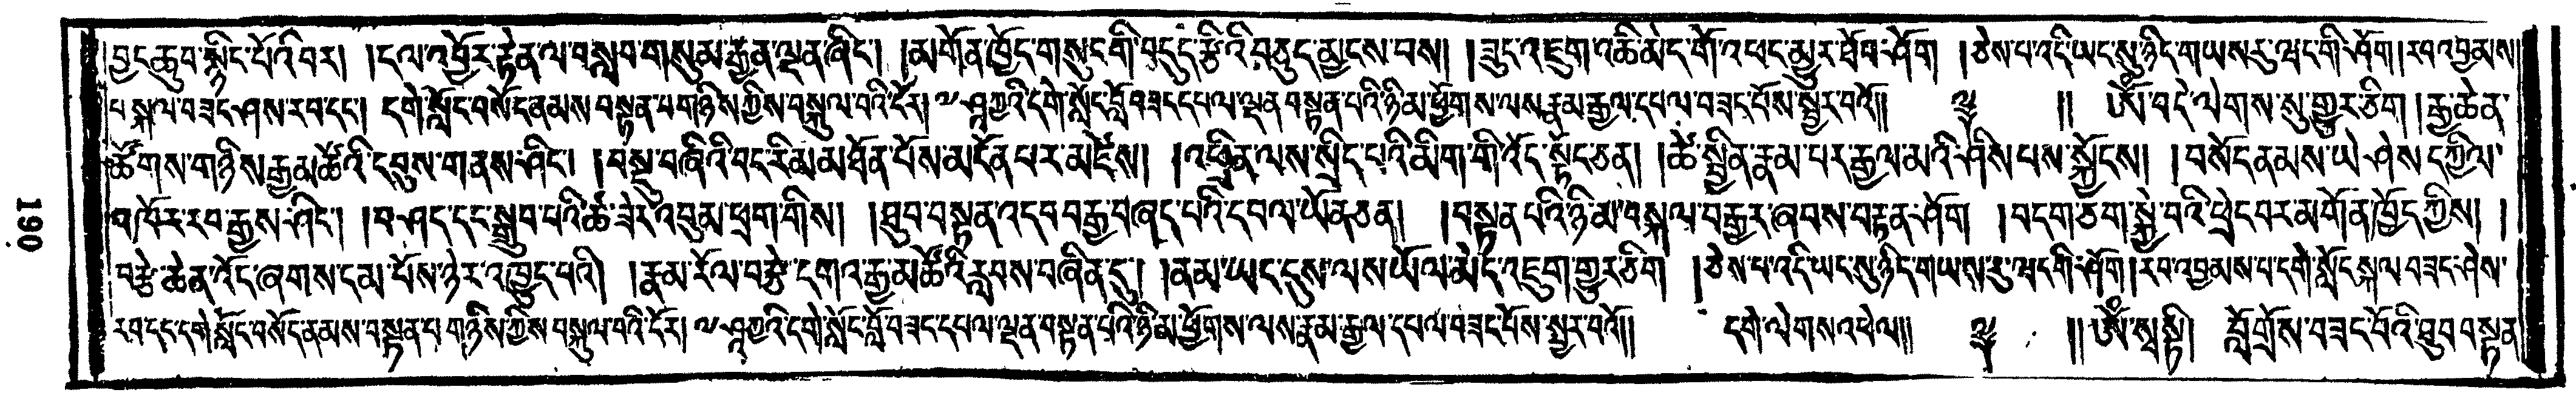བྱང་ཆུབ་སྙིང་པོའི་བར། །དལ་འབྱོར་རྟེན་ལ་བསླབ་གསུམ་རྒྱན་ལྡན་ཞིང་། །མགོན་ཁྱོད་གསུང་གི་བདུད་རྩིའི་བཅུད་མྱངས་བས། །ཟུང་འཇུག་འཆི་མེད་གོ་འཕང་མྱུར་ཐོབ་ཤོག །ཅེས་པ་འདི་ཡང་སུ་ཉིད་གཡས་རུ་ཝང་གི་ཤོག །རབ་འབྱམས་
པ་སྐལ་བཟང་ཤས་རབ་དང་། དགེ་སློང་བསོད་ནམས་བསྟན་པ་གཉིས་ཀྱིས་བསྐུལ་བའི་ངོར། ༧་ཤཱཀྱའི་དགེ་སློང་བློ་བཟང་དཔལ་ལྡན་བསྟན་པའི་ཉི་མ་ཕྱོགས་ལས་རྣམ་རྒྱལ་དཔལ་བཟང་པོས་སྦྱར་བའོ།། ༈ །།ཨོཾ་བདེ་ལེགས་སུ་གྱུར་ཅིག །རྒྱ་ཆེན་
ཚོགས་གཉིས་རྒྱ་མཚོའི་དབུས་གནས་ཤིང་། །བསྡུ་བཞིའི་བང་རིམ་མཐོན་པོས་མངོན་པར་མཛེས། །འཕྲིན་ལས་སྲིད་པའི་མིག་གི་འོད་སྟོང་ཅན། །ཚེ་སྦྱིན་རྣམ་པར་རྒྱལ་མའི་ཤིས་པས་སྐྱོངས། །བསོད་ནམས་ཡེ་ཤེས་དཀྱིལ་
འཁོར་རབ་རྒྱས་ཤིང་། །བཤད་དང་སྒྲུབ་པའི་ཚ་ཟེར་འབུམ་ཕྲག་གིས། །ཐུབ་བསྟན་འདབ་བརྒྱ་བཞད་པའི་དཔལ་ཡོན་ཅན། །བསྟན་པའི་ཉི་མ་བསྐལ་བརྒྱར་ཞབས་བརྟན་ཤོག །བདག་ཅག་སྐྱེ་བའི་ཕྲེང་བར་མགོན་ཁྱོད་ཀྱིས། །
བརྩེ་ཆེན་འོད་ཞགས་དམ་པོས་ཉེར་འཁྱུད་པའི། །རྣམ་རོལ་བརྩེ་དགའ་རྒྱ་མཚོའི་རླབས་བཞིན་དུ། །ནམ་ཡང་དུས་ལས་ཡོལ་མེད་འཇུག་གྱུར་ཅིག །ཅེས་པ་འདི་ཡང་སུ་ཉིད་གཡས་རུ་ཝང་གི་ཤོག །རབ་འབྱམས་པ་དགེ་སློང་སྐལ་བཟང་ཤེས་
རབ་དང་དགེ་སློང་བསོད་ནམས་བསྟན་པ་གཉིས་ཀྱིས་བསྐུལ་བའི་ངོར། ༧་ཤཱཀྱའི་དགེ་སློང་བློ་བཟང་དཔལ་ལྡན་བསྟན་པའི་ཉི་མ་ཕྱོགས་ལས་རྣམ་རྒྱལ་དཔལ་བཟང་པོས་སྤྱར་བའོ།། དགེ་ལེགས་འཕེལ།། ༈ །།ཨོཾ་སྭ་སྟི། བློ་གྲོས་བཟང་བོའི་ཐུབ་བསྟན་